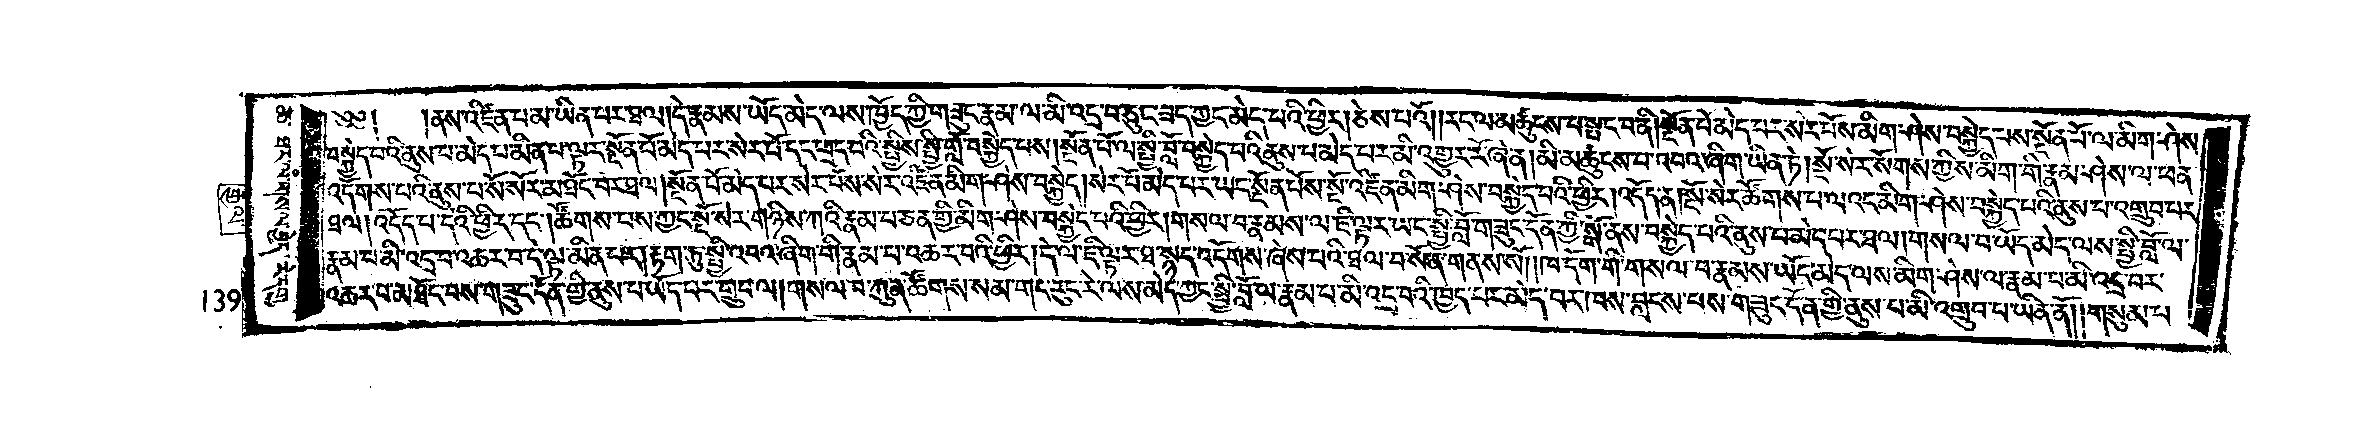༄༅། །ནས་འཛིན་པ་མ་ཡིན་པར་ཐལ། དེ་རྣམས་ཡོད་མེད་ལས་ཁྱོད་ཀྱི་གཟུང་རྣམ་ལ་མི་འདྲ་བ་ཅུང་ཟད་ཀྱང་མེད་པའི་ཕྱིར། ཅེས་པའོ། །རང་ལ་མཚུངས་པ་སྤང་བ་ནི། སྔོན་པོ་མེད་པར་སེར་པོས་མིག་ཤེས་བསྐྱེད་པས་སྔོན་པོ་ལ་མིག་ཤེས་
བསྐྱེད་པའི་ནུས་པ་མེད་པ་མིན་པ་ལྟར་སྔོན་པོ་མེད་པར་སེར་པོ་དང་ཕྲད་བའི་སྤྱིས་སྤྱི་གློ་བསྐྱེད་པས། སྔོན་པོ་ལ་སྤྱི་བློ་བསྐྱེད་པའི་ནུས་པ་མེད་པར་མི་འགྱུར་རོ་ཞེ་ན། མི་མཚུངས་པ་འབའ་ཞིག་ཡིན་ཏེ། སྔོ་སེར་སོགས་ཀྱིས་མིག་གི་རྣམ་ཤེས་ལ་ཕན་
འདོགས་པའི་ནུས་པ་སོ་སོར་མཐོང་བར་ཐལ། སྔོན་པོ་མེད་པར་སེར་པོས་སེར་འཛིན་མིག་ཤེས་བསྐྱེད། སེར་པོ་མེད་པར་ཡང་སྔོན་པོས་སྔོ་འཛིན་མིག་ཤེས་བསྐྱེད་པའི་ཕྱིར། འདོད་ན། སྔོ་སེར་ཚོགས་པ་ལའང་མིག་ཤེས་བསྐྱེད་པའི་ནུས་པ་འགྲུབ་པར་
ཐལ། འདོད་པ་དེའི་ཕྱིར་དང་། ཚོགས་པས་ཀྱང་སྔོ་སེར་གཉིས་ཀའི་རྣམ་པ་ཅན་གྱི་མིག་ཤེས་བསྐྱེད་པའི་ཕྱིར། གསལ་བ་རྣམས་ལ་ཇི་ལྟར་ཡང་སྤྱི་བློ་གཟུང་དོན་ཀྱི་སྒོ་ནས་བསྐྱེད་པའི་ནུས་པ་མེད་པར་ཐལ། གསལ་བ་ཡོད་མེད་ལས་སྤྱི་བློ་ལ་
རྣམ་པ་མི་འདྲ་བ་འཆར་བ་དེ་ལྟ་མིན་པར། རྟག་ཏུ་སྤྱི་འབའ་ཞིག་གི་རྣམ་པ་འཆར་བའི་ཕྱིར། དེ་ལ་ཇི་ལྟར་ཐ་སྙད་འདོགས་ཞེས་པའི་ཐལ་བ་སོ་ན་གནས་སོ། །ཁ་དོག་གི་གསལ་བ་རྣམས་ཡོད་མེད་ལས་མིག་ཤེས་ལ་རྣམ་པ་མི་འདྲ་བར་
འཆར་བ་མཐོང་བས་གཟུང་དོན་གྱི་ནུས་པ་ཡོད་པར་གྲུབ་ལ། གསལ་བ་ཀུན་ཚོགས་སམ་གང་རུང་རེ་ལས་མེད་ཀྱང་སྤྱི་བློ་ལ་རྣམ་པ་མི་འདྲ་བའི་ཁྱད་པར་མེད་པར་ཁས་བླངས་པས་གཟུང་དོན་གྱི་ནུས་པ་མི་འགྲུབ་པ་ཡིན་ནོ། །གསུམ་པ་